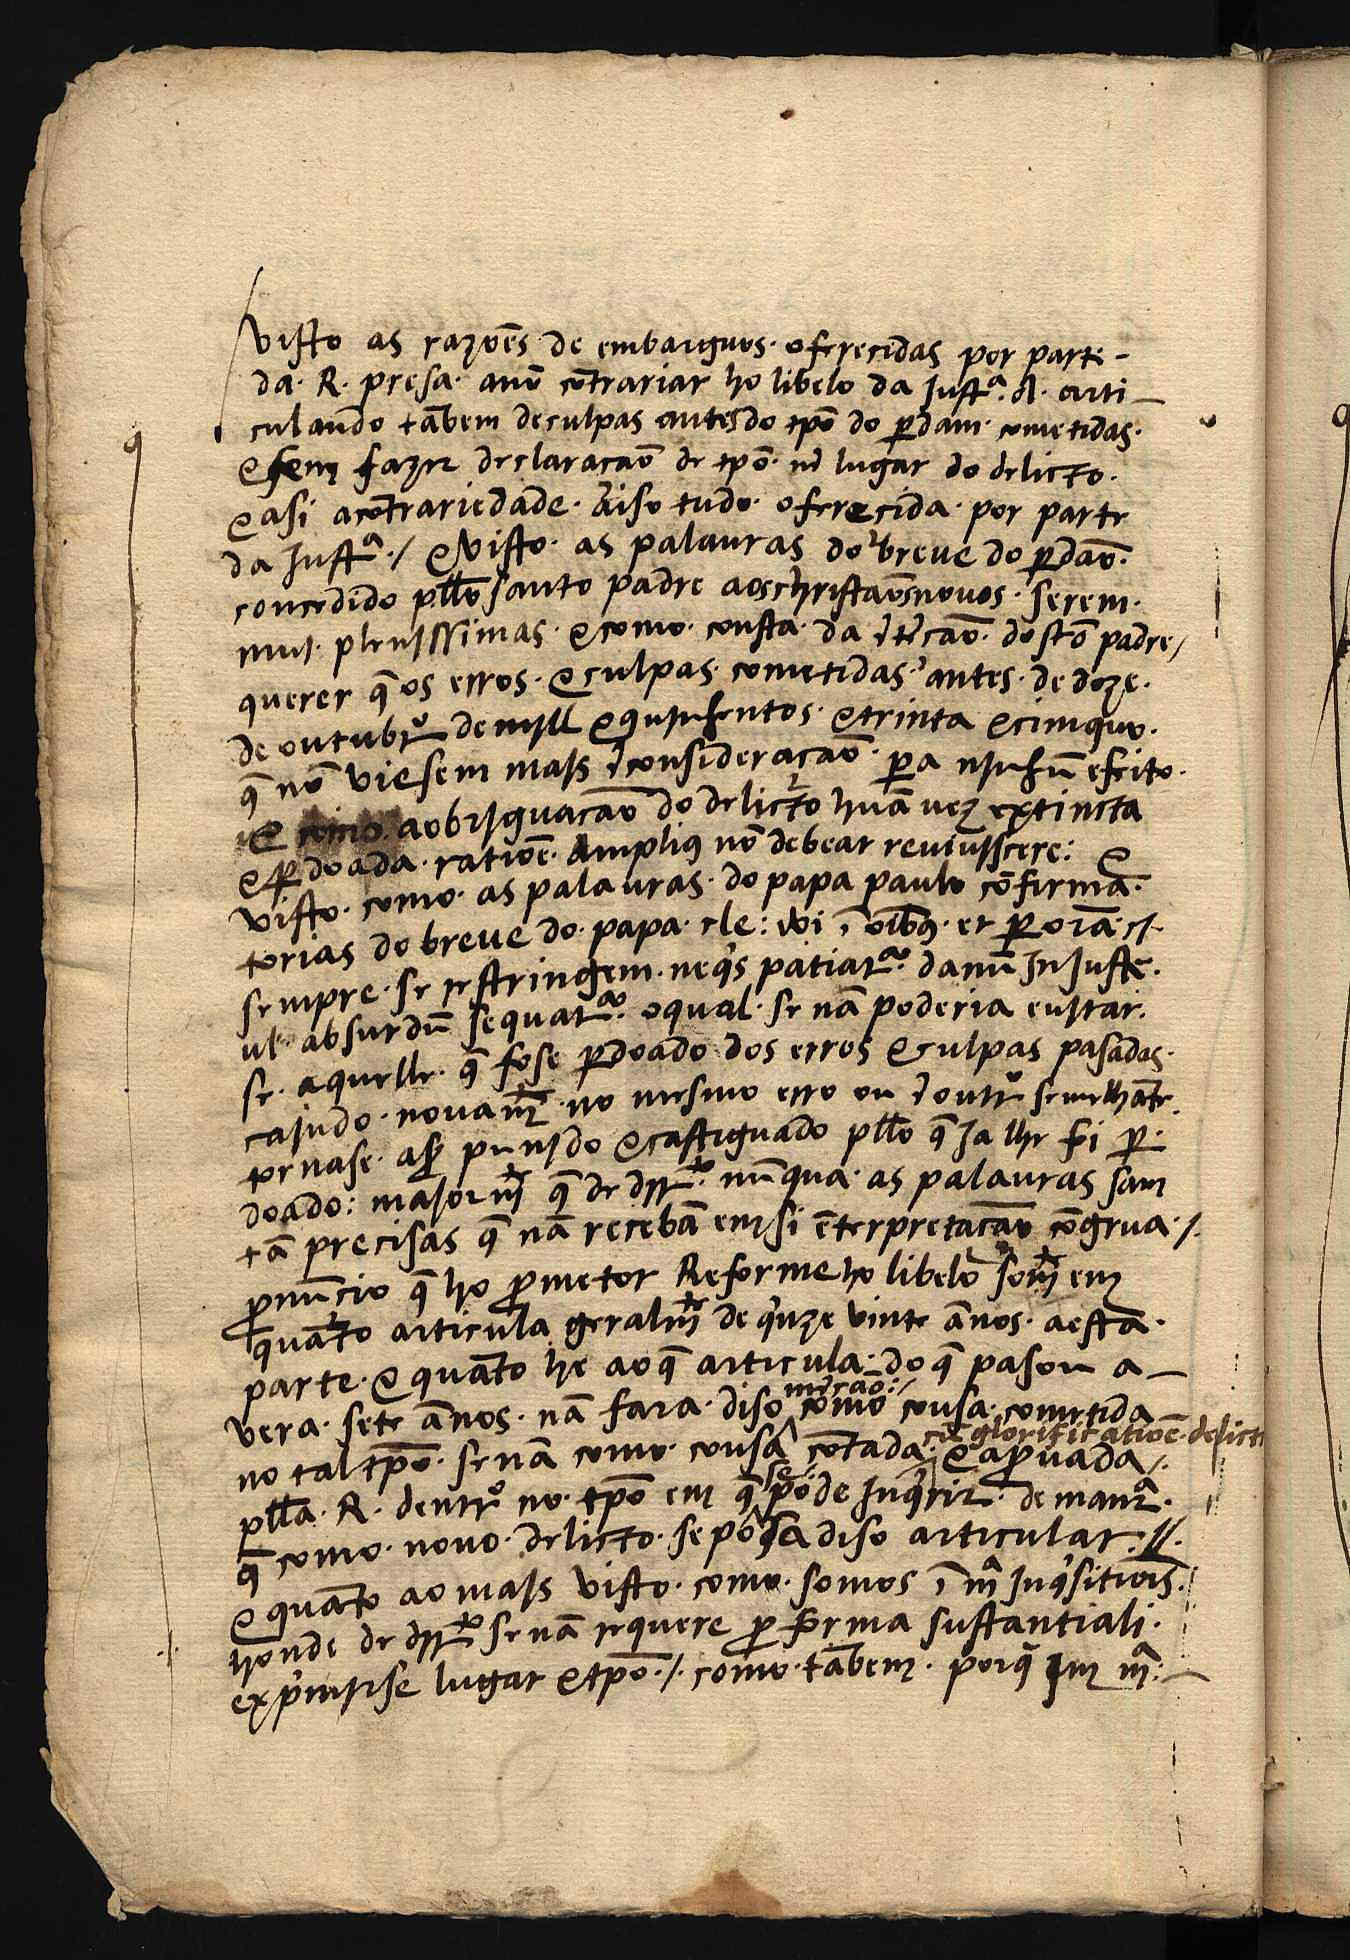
visto as razões de embarguos. oferecidas por parte
da. R. presa. a nō con̄trariar o libelo da Justa. A. arti
culando tābem desculpas antes do tpō do ꝑdam. cometidas.
e sem fazer declaraçaõ de tpō. nē lugar do delicto.
e asi cōtrariedade. a iso tudo. oferecida. por parte
da Justa. / e visto- as palauras do breue do ꝑdão.
concedido pl̄lo santo padre aos christaõs nouos. serem.
muj. plenjssimas. e como. consta. da ētēção. do stō padre/
querer q̄ os erros. e culpas. cometidas. antes. de doze.
de outubro de mjll e qujnhentos. e trinta e cimquo
q̄ nō viesem majs ē consideraçaõ. ꝑa njnhū efeito
e como a obrjguacão do delicto huā uez extincta
e ꝑdoada. ratiōe. ampliꝯ nō debeat reuiujsere: e
visto. como. as palauras. do papa paulo cōfirma.
torias do breue do. papa. ele: ibi ī oībꝯ. et ꝑ oīa. el.
sempre. se restringem. neqis patiatur danū Jn Juste.
ul absurdū sequatur o qual. se nā poderia eujtar.
se. aquelle. q̄ fose ꝑdoado dos erros e culpas pasadas.
cajndo. nouamte. no mesmo erro ou ē outro semelhāte
tornase. as ꞩ punjdo e castiguado pl̄lo q̄ Ja lhe foi ꝑ.
doado: majormte q̄ de drrto. nūqua. as palauras sam
tā precisas q̄ nā recebā em si ēterpretação cōgrua./.
ꝓnūçio q̄ ho ꝓmetor Reforme ho libelo somte em
quāto articula geralmte de qinze vinte ānos. a esta.
parte. e quāto he ao q̄ articula. do q̄ pasou a
vera. sete ānos. nā fara. diso
mēcão:/
como cousa. cometida
no tal tp̄o. senā como. cousa c̄otada
cū glorificatioē. delicti
e aꝓuada/.
pl̄la. R. dentro no. tp̄o em q̄
se/.
pode Jnqirir. de manra.
q̄ como . nouo. delicto. se posa diso articular.//.
e quāto ao majs visto. como. somos ī ma Jnqisitiōis.
honde de drrto se nā requere ꝓ forma sustantiali.
expimjrse lugar e tp̄o./. como. tābem. porq̄ jm ma:
